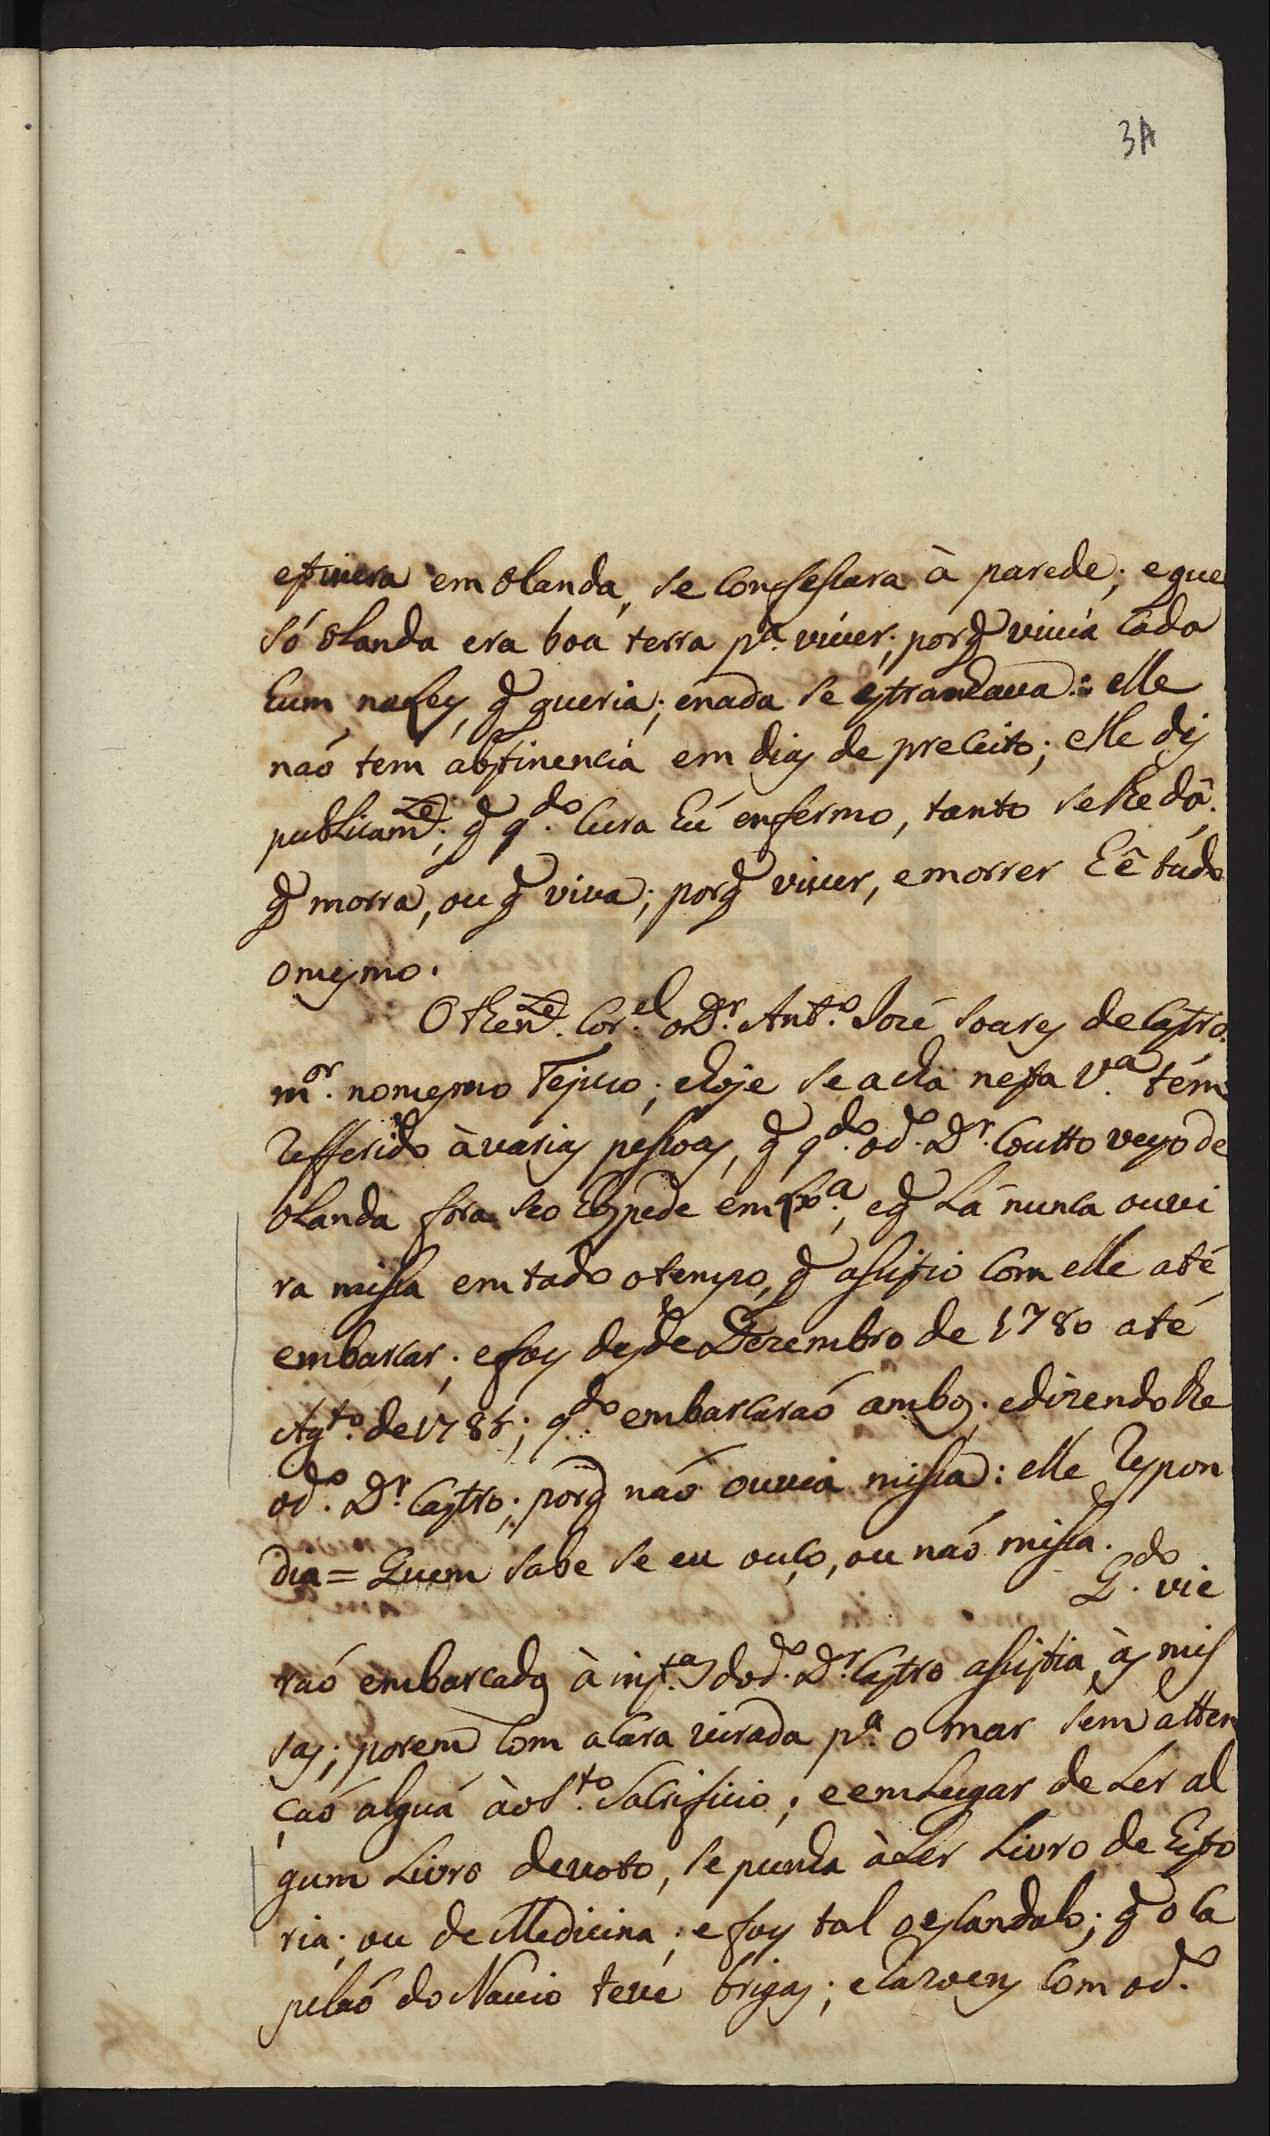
3A
estiuera em olanda, se confessara à parede; e que
só olanda era boa terra p.a viuer; porq̄ viuia cada
hum na Ley, q̄ queria: e nada se estranhaua; elle
naõ tem abstinencia em dias de preceito; ele dis
publicam.te q̄ q.do Cura hū enfermo, tanto se lhe dá;
q̄ morra, ou q̄ viva; porq̄ viuer, e morrer hé tudo
o mesmo.
O then.te Cor.el o D.r Ant.o Iozé soares de Castro;
m.or no mesmo Tejuco; e hoje se acha nesta V.a tem
Refferido à várias pessoas, q̄ q.do o d.o Dr. Coutto veyo de
olanda fora seo hospede em Lx.a, e q̄ lá nunca ouvi
ra missa em todo o tempo, q̄ assitio com elle até
embarcar; e foy desde Dezembro de 1780 até
Ag.to de 1784; q.do embarcaraõ ambos; e dizendolhe
o d.o D.r Castro; porq̄ naõ ouuia missa: elle Respon
dia = Quem sabe se eu ouço, ou naõ missa.
Q.do vie
raõ embarcados à inst.as do d.o D.r Castro assistia às mis
sas; porem com a Cara virada p.a o mar sem atten
çaõ alguā ào S.to Sacrificio; e em Lugar de Ler al
gum Livro deuoto, se punha à Ler Livro de histo
ria; ou de Medicina; e foy tal o escandalo; q̄ o Ca
pelaõ do Nauio teve brigas; e Razoens com o d.o
